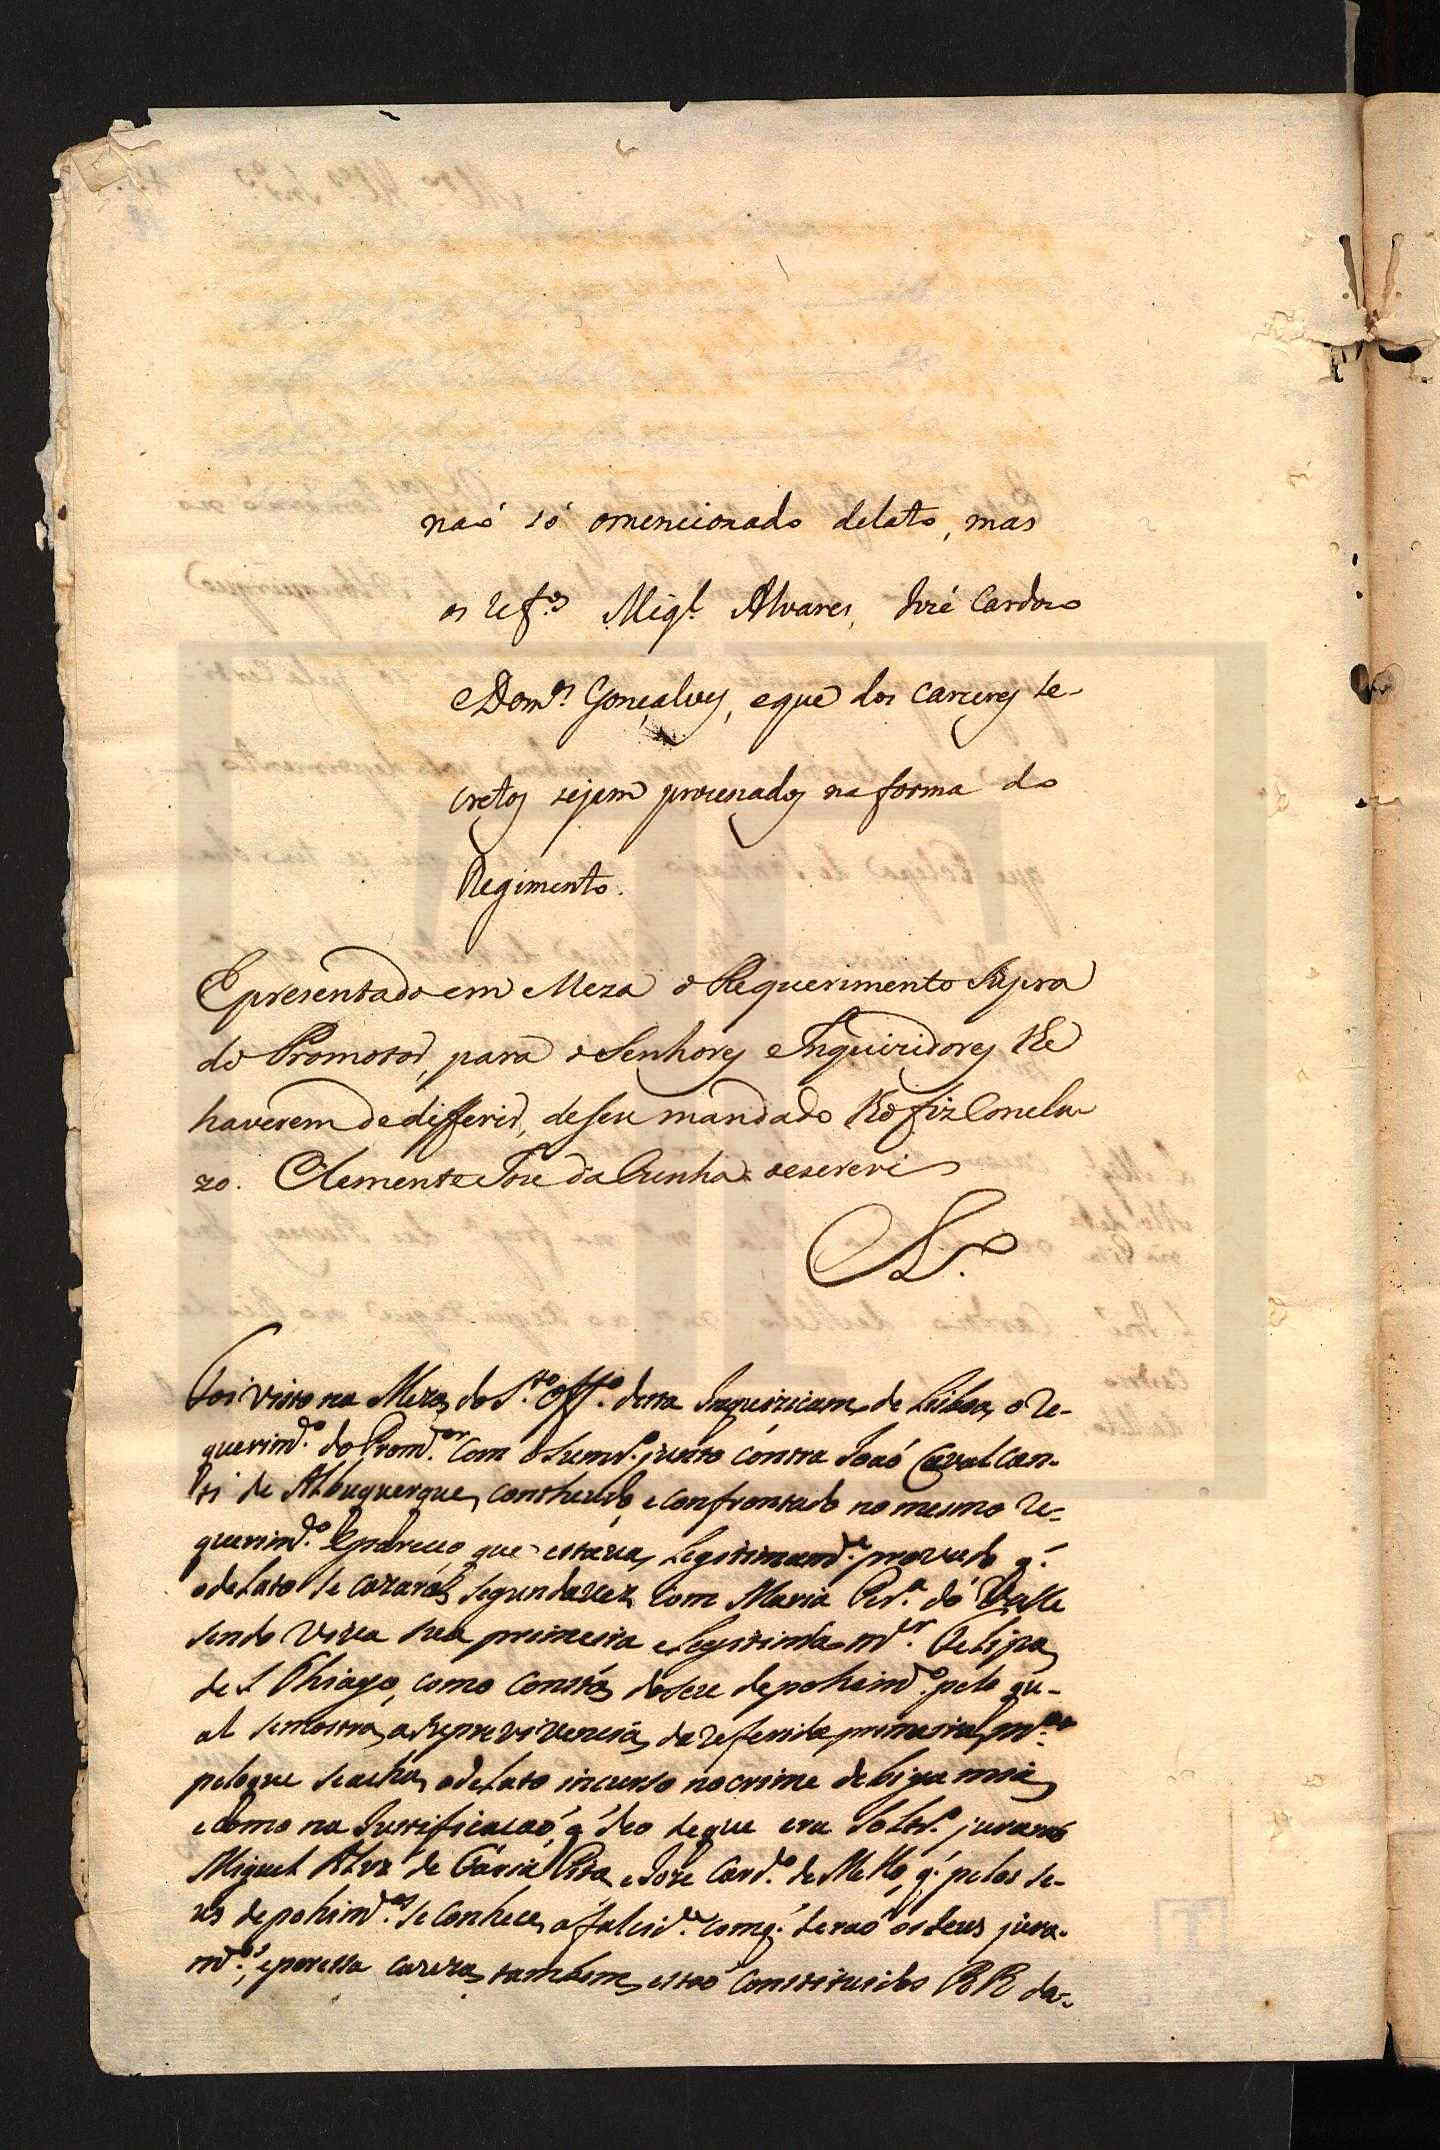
naõ só o mencionado delato, mas
os Ref.os Mig.l Alvares, Iozé Cardozo
e Dom.os Gonçalves, e que dos carceres se
cretos sejam processados na forma do
Regimento.
E presentado em Meza o Requerimento Supra
do Promotor, para o Senhores Inquizidores lhe
haverem de differir, de seu mandado lho fiz Conclu
zo. Clemente Ioze da Cunha o escrevi
CL.o
Foi visto na Meza do S.to off.o desta Inquiziçam de Lisboa, o Re
querim.to do Prom.or com o Sumr.o junto contra Ioaõ Cavalcan
ti de Albuquerque, contheudo, e confrontado no mesmo Re
querim.to e pareceo que estaua Legitimam.te provado q̄.
o delato se cazaraõ segunda vez com Maria Per.a do Valle
sendo viua sua primeira e legitima m.er Felipa
de S Thiago, como consta do seu depohim.to pelo qu
al se mostra a suprevivencia da Referida primeira m.er
pelo que se acha o delato incurso no crime de bigamia
e como na Iustificaçaõ, q̄ deo de que era soltr.o juram
Miguel Alvz̄ de Faria Pita, e Ioze Card.o de Mello, q̄ pelos se
us depohim.tos se conhece a falcid.e com q̄ deraõ os seus jura
m.tos, e por essa cauza tambem estaõ constituidos RR da
